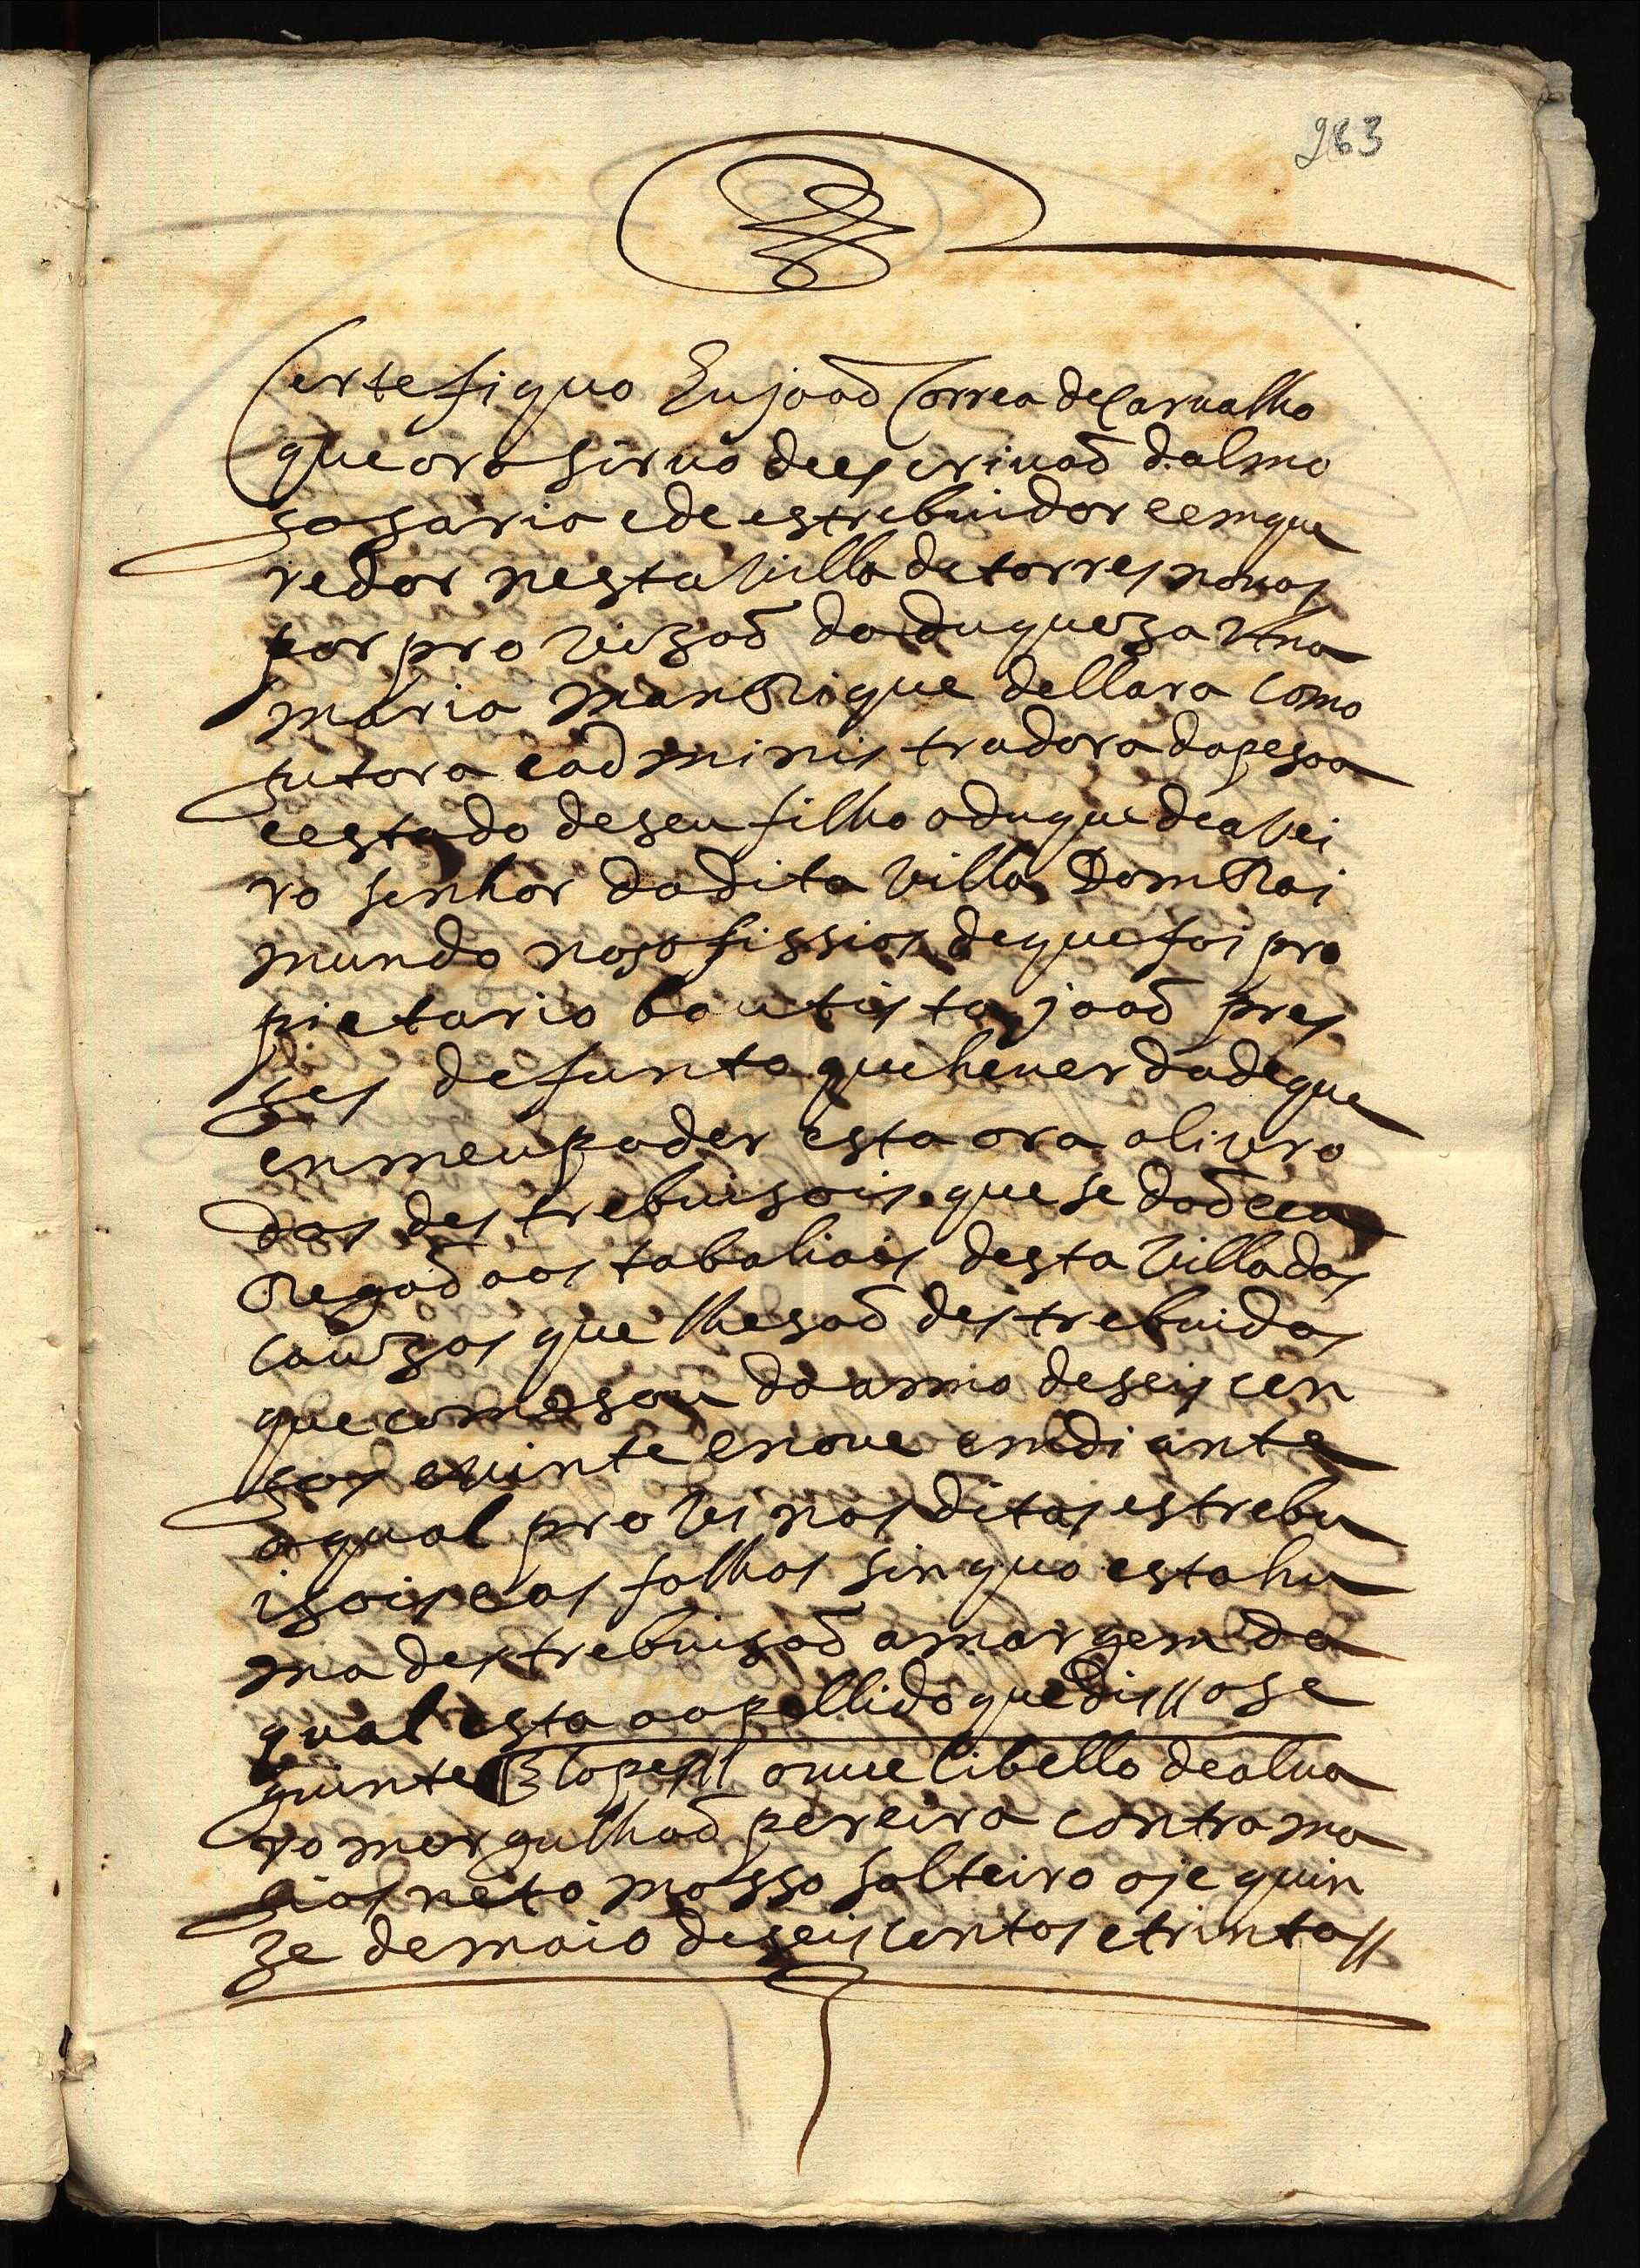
Certefiquo Eu joaõ Correa de carualho
que ora siruo de escriuaõ dalmo
tasaria e de estrebuidor e emque
redor nesta villa de torres nouas
por provizaõ da duqueza Ana
maria manRique de llara como
tutora e administradora da pesoa
e estado de seu filho o duque de avei
ro senhor da dita villa Dom Rai
mundo nos ofissios de que foi pro
pietario bautista joaõ pres
tes defunto que he uerdade que
en meu poder esta ora o livro
das destrebuisois que se daõ e ca
Regaõ aos tabaliais desta villa das
cauzas que lhe saõ destrebuidas
que comesou do anno de seiscen
tos e vinte e noue em diante
o qual provi nas ditas estrebu
isois e as folhas sinquo esta hu
ma destrebuisaõ a margem da
qual esta o apellido que dis // o se
guinte ⁋ lopes // ouue libello de alua
ro mergulhaõ pereira contra ma
tias neto mosso solteiro oje quin
ze de maio de seiscentos e trinta //
